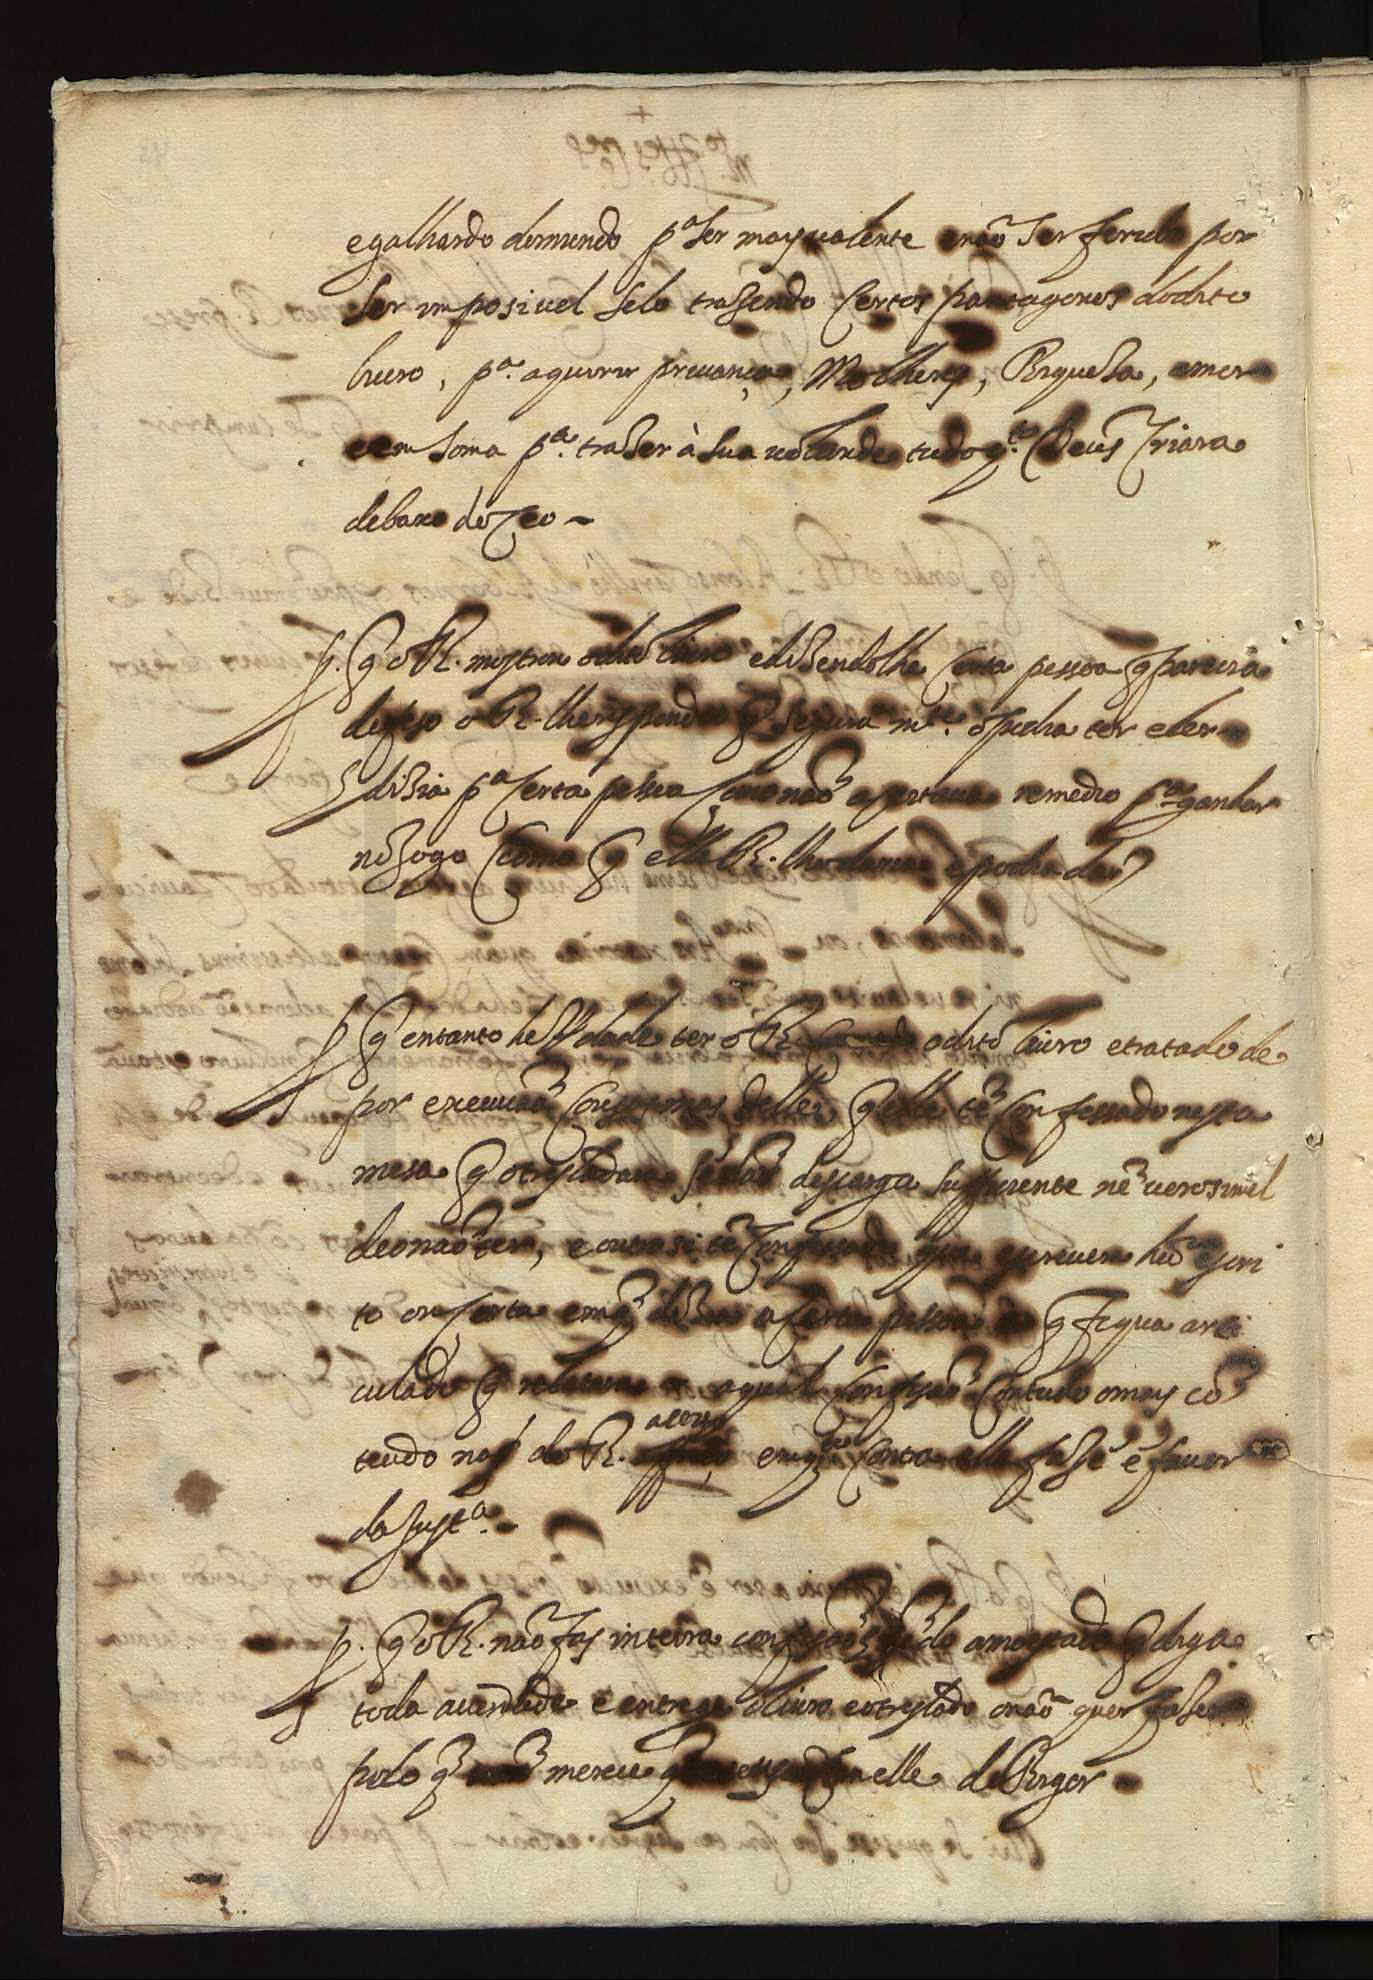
e galhardo do mundo pa ser mais ualente e naõ ser ferido por
ser imposiuel selo trazendo Certos pantagonos do dito
liuro, p.a aquirir priuança, Molheres, Riqueza, amor
e em soma p.a trazer à sua uōtarde tudo q.to Deus Criara
debaxo do Ceo.
ꝓ. q̄ o R. mostrou o dito liuro e dizendolhe Certa pessoa q̄ parecia
defeso o R. lhe respondeo q̄ seguram.te o podia ter e ler.
E disia pa Certa pessoa Como naõ aseitaua remedio p.a ganhar
no Jogo (como q̄ elle R. lho daria e podia dar)
Ꝓ q̄ entanto he Ꝟdade ter o R. Ce_ado o dito liuro e tratado de
por execuçaõ Cousas mas delle q̄ elle tē Confessado nesta
mesa q̄ o tresladara sē dar descarga sufficiente nē uerosimel
de o naõ ter, e outrosi tē Confessado que escreuera hū escri
to ou Carta em q̄ dizia a Certa pessoa o q̄ fiqua arti
culado q̄ relatara. a qual Confisaõ Con tudo o mais cō
teudo no q̄ do R. offreço
aceito
em qto Contra elle fazē ē fauor
da Just.a.
Ꝓ q̄ o R. naõ faz inteira confisaõ E sendo amoestado q̄ diga
toda a uerdade e entrege o liuro e o treslado o naõ quer fazer
pelo q̄ naõ merece q̄ se use Com elle de Rigor
